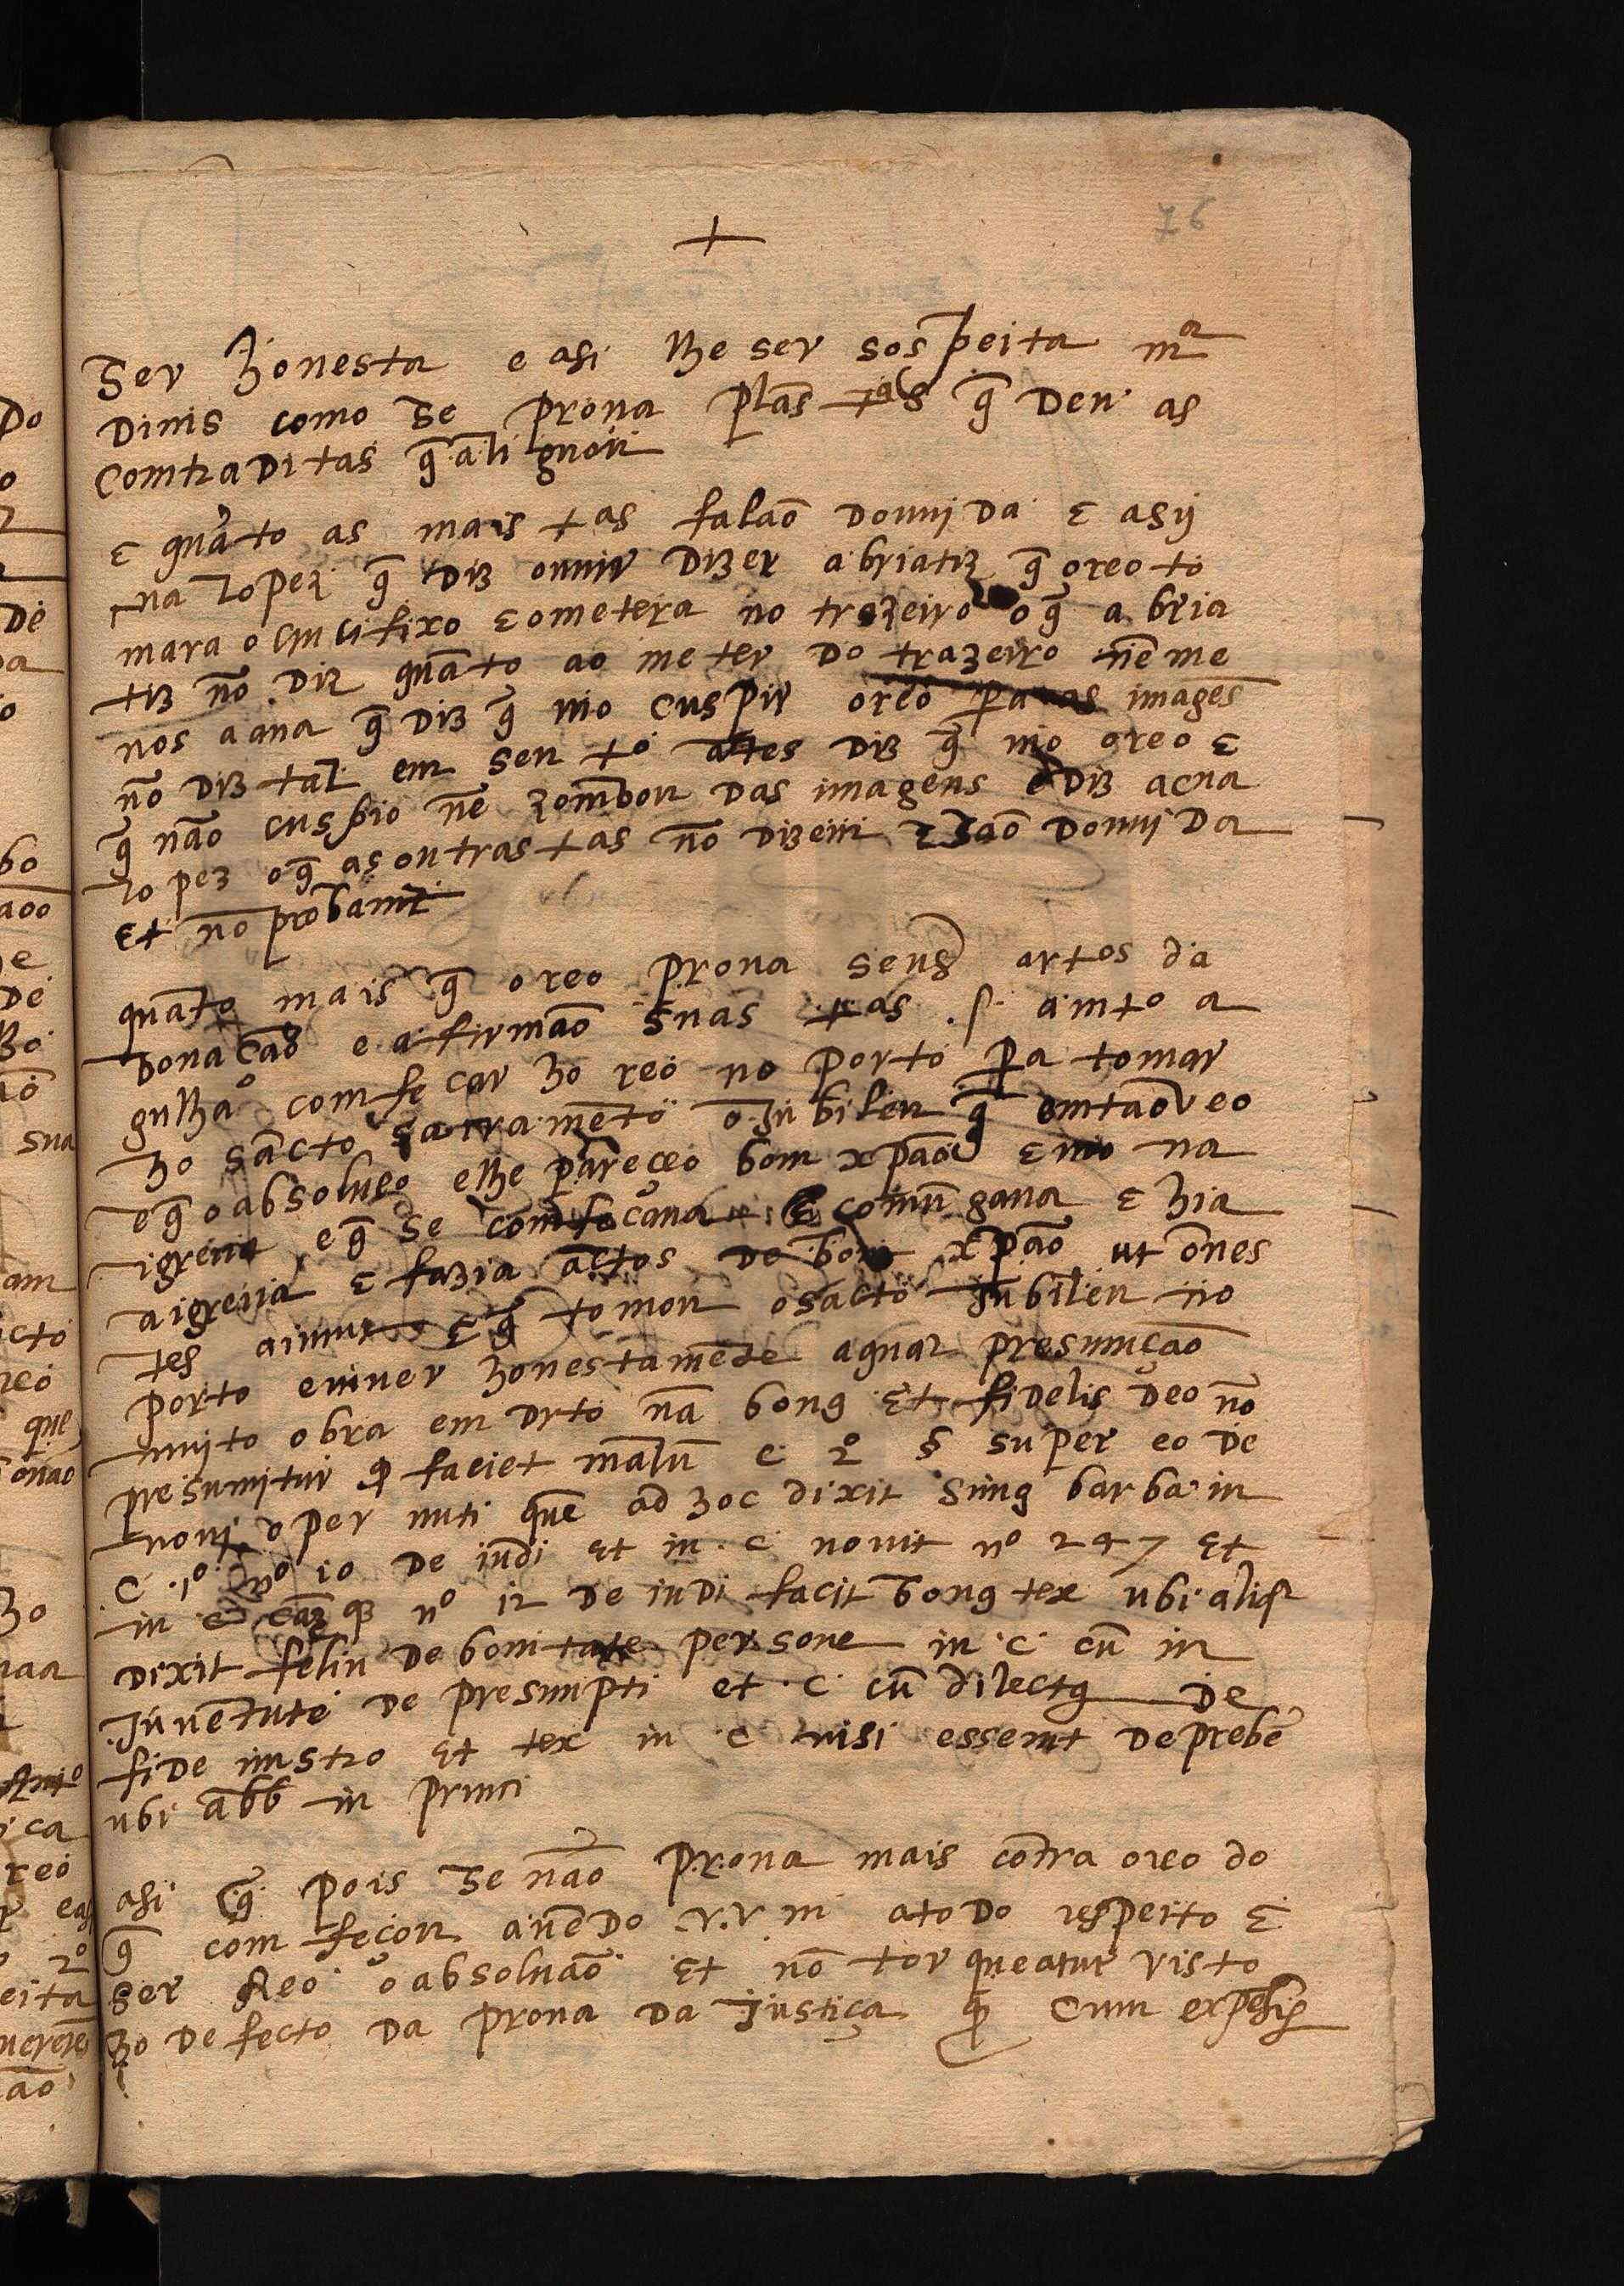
Ser honesta e asi lhe ser sospeita ma
Dinis como de proua plās tas q̄ Deu as
comtraditas q̄ alignou
E quāto as mais tas falaõ douujda E asy
cna Lopez q̄ diz ouuir dizer a briatiz q̄ o reo to
mara o crucifixo E o metera no trazeiro o q̄ a bria
tiz n̄o diz quāto ao meter do trazeiro nē me
nos a ana q̄ diz q̄ uio cuspir o reo ꝑ as imagēs
n̄o diz taL em seu to ātes diz q̄ uio o reo E
q̄ não cuspio n̄e zombou das imagens e diz a cna
lopez o q̄ as outras tas n̄o dizem E saõ douujda
Et n̄o probamt
quāto mais q̄ o reo proua seus artos da
bonaçaõ e afirmão suas tas .s. amto a
gulha comfeçar ho reo no porto ꝑa tomar
ho sācto sacramēto o Jubileu q̄ emtão veo
e q̄ o absolueo e lhe pareceo bom xpãao e uio na
igreiia e q̄ se confeçaua e comūgaua E hia
a igreiia E fazia actos do bom xpão ut ōnes
tes aiumt E q̄ tomou o sācto Jubileu no
porto e uiuer honestamēte a qual presumção
mujto obra em drto n̄a bonꝯ Et fidelis deo n̄o
presumjtur ꝙ faciet malū c. 2o § super eo de
nouj oper nuti qūe ad hoc dixit srinꝯ barba. in
c .1o no 10 de iudi Et in c nouit no 247 Et
in c cās qꝫ no 12 de iudi facit bonꝯ tex ubi aliqa
dixit felin de bonitate persone in .c. cū in
Juuētute de presumpti et .c. cū dilectꝯ de
fide imstro Et tex in c nisi essemt de prebē
ubi ābb in princi
asi q̄ pois se não proua mais cōtra o reo do
q̄ comfeçou auēdo vv m a todo respeito E
ser Reo o absoluão Et nō torqueatur visto
ho defecto da proua da Iustiça ꝙ̄ cum expēsis
